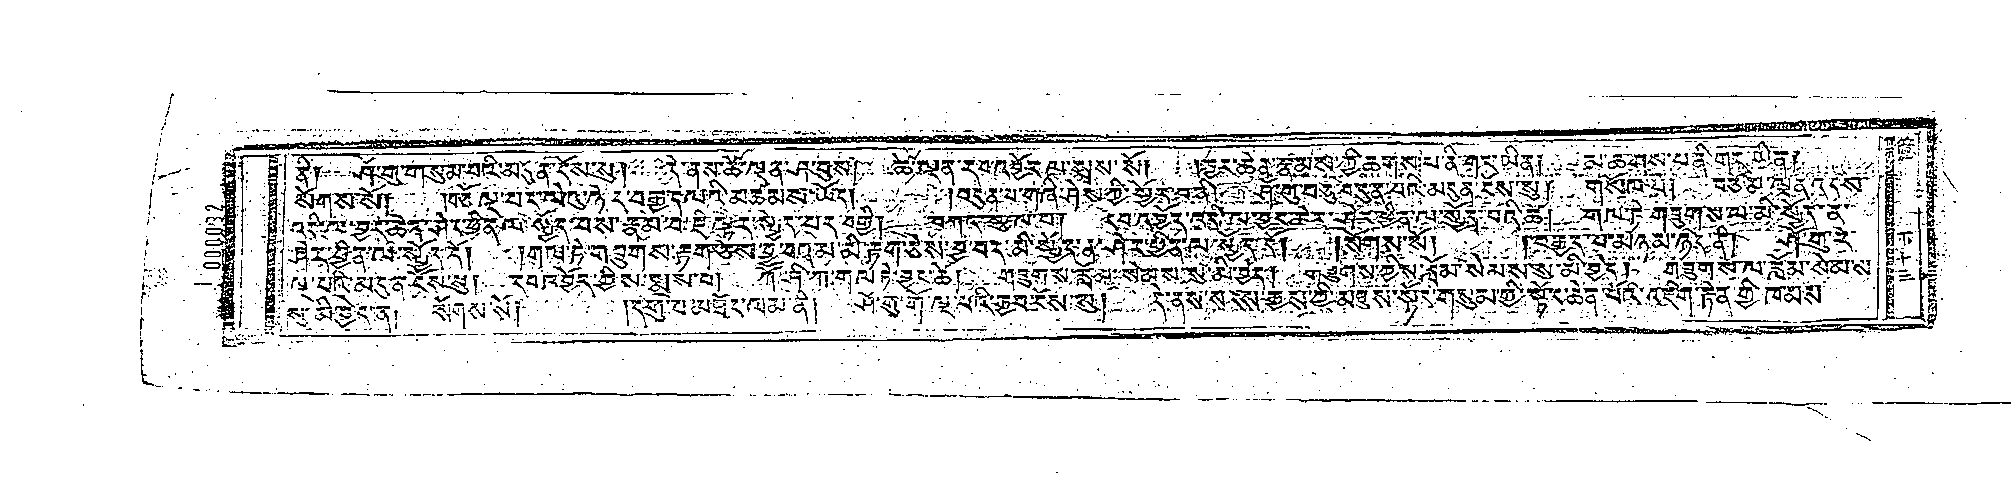ནི། ཤོ་གུ་གསུམ་པའི་མདུན་ངོས་སུ། དེ་ནས་ཚེ་ལྡན་ཤ་བུས། ཚེ་ལྡན་རབ་འབྱོར་ལ་སྨྲས་སོ། །བྱང་ཆེན་རྣམས་ཀྱི་ཆགས་པ་ནི་གང་ཡིན། མ་ཆགས་པ་ནི་གང་ཡིན།
སོགས་སོ། །བཅོ་ལྔ་པར་ལེའུ་ཉེར་བརྒྱད་ལའི་མཚམས་ཡོད། །བདུན་པ་གཞི་ཤེས་ཀྱི་སྦྱོར་བ་ནི། ཤོ་གུ་བཅུ་བདུན་པའི་མདུན་ངོས་སུ། གསོལ་པ། བཅོམ་ལྡན་འདས་
འདི་ལ་བྱང་ཆེན་ཤེར་ཕྱིན་ལ་སྤྱོད་པས་རྣམ་བ་ཇི་ལྟར་སྤྱོད་པར་བགྱི། བཀའ་སྩལ་པ། རབ་འབྱོར་འདི་ལ་བྱང་ཆེན་ཤེར་ཕྱིན་ལ་སྤྱོད་པའི་ཚེ། གལ་ཏེ་གཟུགས་ལ་མི་སྤྱོད་ན་
ཤེར་ཕྱིན་ལ་སྤྱོད་དོ། །གལ་ཏེ་གཟུགས་རྟག་ཅེས་བྱ་བའམ་མི་རྟག་ཅེས་བྱ་བར་མི་སྤྱོད་ན་ཤེར་ཕྱིན་ལ་སྤྱོད་དོ། །སོགས་སོ། །བརྒྱད་པ་མཉམ་ཉིད་ནི། ཤོ་གུ་རེ་
ལྔ་པའི་མདུན་ངོས་སུ། རབ་འབྱོར་གྱིས་སྨྲས་པ། ཀཽ་ཤི་ཀ་གལ་ཏེ་བྱང་ཚེ། གཟུགས་རློ་མ་སེམས་སུ་མི་བྱེད། གཟུགས་ཀྱིས་རློམ་སེམས་སུ་མི་བྱེད། གཟུགས་ལ་རློམ་སེམས་
སུ་མི་བྱེད་ན། སོགས་སོ། །དགུ་པ་མཐོང་ལམ་ནི། ཤོ་གུ་གོ་ལྔ་པའི་རྒྱབ་ངོས་སུ། དེ་ནས་སངས་རྒྱས་ཀྱི་མཐུས་སྟོང་གསུམ་གྱི་སྟོང་ཆེན་པོའི་འཇིག་རྟེན་གྱི་ཁམས་